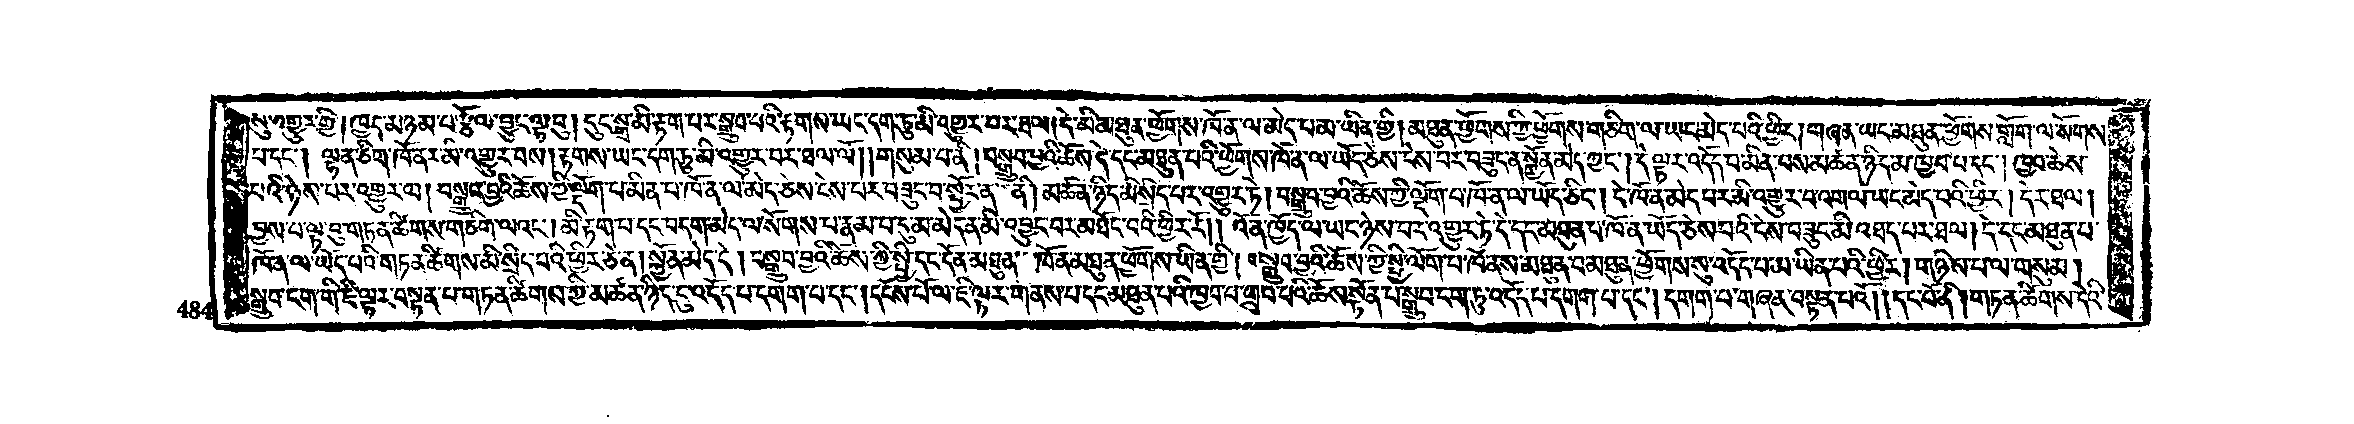སུ་འགྱུར་གྱི་།ཁྱད་མཉམ་པ་རྩོལ་བྱུང་ལྟ་བུ། དུང་སྒྲ་མི་རྟག་པར་སྒྲུབ་པའི་རྟགས་ཡང་དག་ཏུ་མི་འགྱུར་བར་ཐལ། དེ་མི་མཐུན་ཕྱོགས་ཁོ་ན་ལ་མེད་པ་མ་ཡིན་གྱི་།མཐུན་ཕྱོགས་ཀྱི་ཕྱོགས་གཅིག་ལ་ཡང་མེད་པའི་ཕྱིར། གཞན་ཡང་མཐུན་ཕྱོགས་གློག་ལ་སོགས་
པ་དང་། ལྷན་ཅིག་ཁོ་ནར་མི་འགྱུར་བས། རྟགས་ཡང་དག་ཏུ་མི་འགྱུར་བར་ཐལ་ལོ། །གསུམ་པ་ནི། བསྒྲུབ་ཡའི་ཆོས་དེ་དང་མཐུན་པའི་ཕྱོགས་ཁོ་ན་ལ་ཡོད་ཅེས་ངེས་པར་བཟུང་ན་སྐྱོན་མེད་ཀྱང་། དེ་ལྟར་འདོད་པ་མིན་པས་མཚན་ཉིད་མ་ཁྱབ་པ་དང་། ཁྱབ་ཆེས་
པའི་ཉེས་པར་འགྱུར་ལ། བསྒྲུབ་བྱའི་ཆོས་ཀྱི་ལྡོག་པ་མིན་པ་ཁོ་ན་ལ་མེད་ཅེས་ངེས་པར་བཟུང་བ་སྦྱོར་ན་ནི། མཚན་ཉིད་མི་སྲིད་པར་འགྱུར་ཏེ། བསྒྲུབ་བྱའི་ཆོས་ཀྱི་ལྡོག་པ་ཁོ་ན་ལ་ཡོད་ཅིང་། དེ་ཁོ་ན་མེད་པར་མི་འགྱུར་བ་འགལ་ཡང་མེད་པའི་ཕྱིར། དེར་ཐལ།
བྱས་པ་ལྟ་བུ་གཏན་ཚིགས་གཅིག་ལའང་། མི་རྟག་པ་དང་བདག་མེད་ལ་སོགས་པ་རྣམ་པ་དུ་མ་མེད་ན་མི་འབྱུང་བར་མཐོང་བའི་ཕྱིར་རོ། །འོ་ན་ཁྱོད་ལ་ཡང་ཉེས་པར་འགྱུར་ཏེ་དེ་དང་མཐུན་པ་ཁོ་ན་ཡོད་ཅེས་པའི་ངེས་བཟུང་མི་འཐད་པར་ཐལ། དེ་དང་མཐུན་པ་
ཁོ་ན་ལ་ཡོད་པའི་གཏན་ཚིགས་མི་སྲིད་པའི་ཕྱིར་ཅེ་ན། སྐྱོན་མེད་དེ། བསྒྱུར་བྱའི་ཆོས་ཀྱི་སྤྱི་དང་དོན་མཐུན་ཁོ་ན་མཐུན་ཕྱོགས་ཡིན་གྱི་།བསྒྲུབ་བྱའི་ཆོས་ཀྱི་སྤྱི་ལོག་པ་།ཁོ་ནས་མཐུན་པ་མཐུན་ཕྱོགས་སུ་འདོད་པ་མ་ཡིན་པའི་ཕྱིར་གཉིས་ལ་གསུམ།
སྒྲུབ་ངག་གི་ཇི་ལྟར་བསྟན་པ་གཏན་ཚིགས་ཀྱི་མཚན་ཉིད་དུ་འདོད་པ་དགག་པ་དང་། དངོས་པོ་ལ་ཇི་ལྟ་གནས་པ་དང་མཐུན་པའི་ཁྱབ་པ་གྲུབ་པའི་ཆོས་སྟོན་པ་སྒྲུབ་ངག་ཏུ་འདོད་པ་དགག་པ་དང་། དགག་པ་གཞན་བསྟན་པའོ། །དང་པོ་ནི། གཏན་ཚིགས་དེའི་